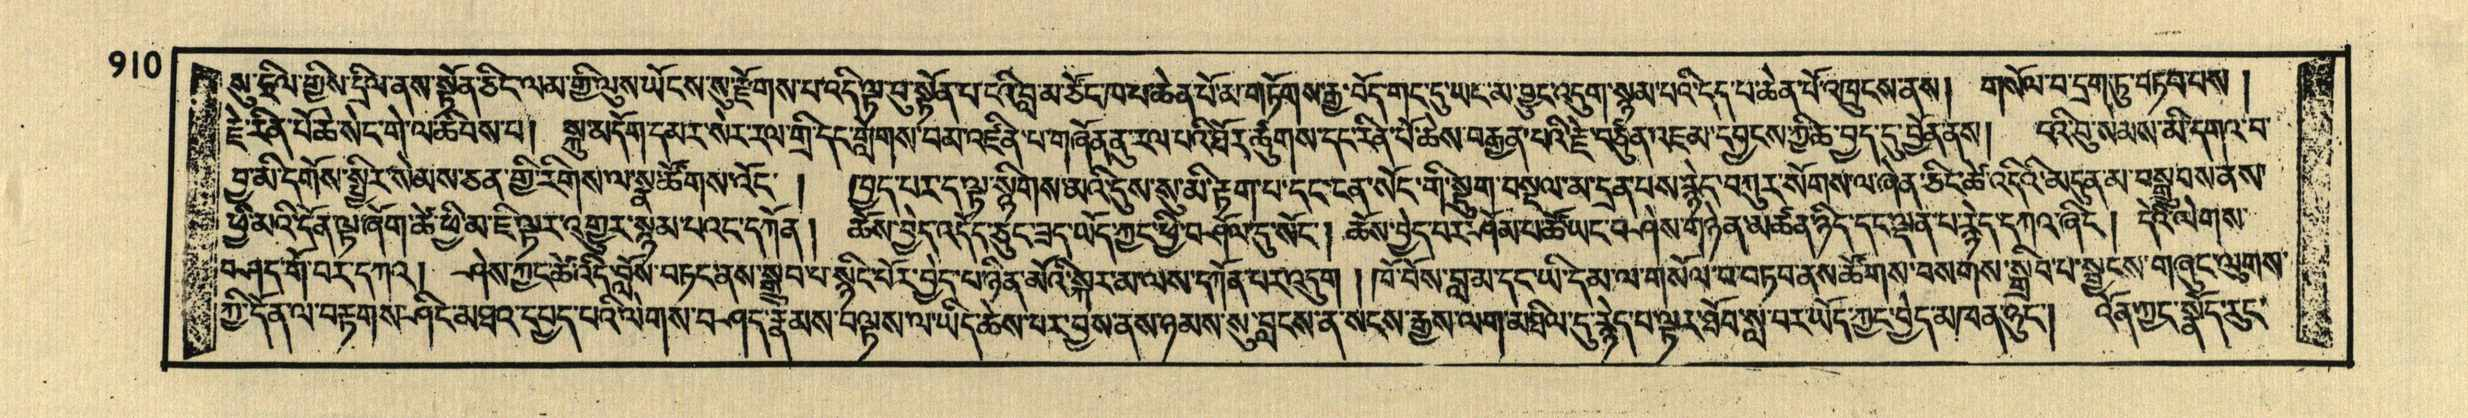སུ་ཧྲིལ་གྱིས་དྲིལ་ནས་སྟོན་ཅིང་ལམ་གྱི་ལུས་ཡོངས་སུ་རྫོགས་པ་འདི་ལྟ་བུ་སྟོན་པ་ངའི་བླ་མ་ཙོང་ཁ་པ་ཆེན་པོ་མ་གཏོགས་རྒྱ་བོད་གང་དུ་ཡང་མ་བྱུང་འདུག་སྙམ་པའི་དད་པ་ཆེན་པོ་འཁྲུངས་ནས། གསོལ་བ་དྲག་ཏུ་བཏབ་པས་།
རྗེ་རིན་པོ་ཆེ་སེང་གེ་ལ་ཆིབས་པ། སྐུ་མདོག་དམར་སེར་རལ་གྲི་དང་གླེགས་བམ་འཛིན་པ་གཞོན་ནུ་རལ་པའི་ཐོར་ཚུགས་དང་རིན་པོ་ཆེས་བརྒྱན་པའི་རྗེ་བཙུན་འཇམ་དབྱངས་ཀྱི་ཆ་བྱད་དུ་བྱོན་ནས། ངའི་བུ་སེམས་མི་དགའ་བ་
བྱ་མི་དགོས་སྤྱིར་སེམས་ཅན་གྱི་རིགས་ལ་སྣ་ཚོགས་འོང་། ཁྱད་པར་ད་ལྟ་སྙིགས་མའི་དུས་སུ་མི་རྟག་པ་དང་ངན་སོང་གི་སྡུག་བསྔལ་མ་དྲན་པས་རྙེད་བཀུར་སོགས་ལ་ཞེན་ཅིང་ཚེ་འདིའི་མདུན་མ་བསྒྲུབས་ནས་
ཕྱི་མའི་དོན་ལྟ་ཞོག་ཚེ་ཕྱི་མ་ཇི་ལྟར་འགྱུར་སྙམ་པའང་དཀོན། ཆོས་བྱེད་འདོད་ཅུང་ཟད་ཡོད་ཀྱང་ཕྱི་བཤོལ་དུ་སོང་། ཆོས་བྱེད་བར་ཤོམ་པ་ཚོ་ཡང་བཤེས་གཉེན་མཚན་ཉིད་དང་ལྡན་པ་རྙེད་དཀའ་ཞིང་། དེའི་ལེགས་
བཤད་གོ་བར་དཀའ། ཤེས་ཀྱང་ཚེ་འདི་བློས་བཏང་ནས་སྒྲུབ་པ་སྙིང་པོར་བྱེད་པ་ཉིན་མོའི་སྐར་མ་ལས་དཀོན་པར་འདུག །ཁོ་བོས་བླ་མ་དང་ཡི་དམ་ལ་གསོལ་བ་བཏབ་ནས་ཚོགས་བསགས་སྒྲིབ་པ་སྦྱངས་གཞུང་ལུགས་
ཀྱི་དོན་ལ་བརྟགས་ཤིང་མཐའ་དཔྱད་པའི་ལེགས་བཤད་རྣམས་བལྟས་ལ་ཡིད་ཆེས་པར་བྱས་ནས་ཉམས་སུ་བླངས་ན་སངས་རྒྱས་ལག་མཐིལ་དུ་རྙེད་པ་ལྟར་ཐོབ་སླ་བར་ཡོད་ཀྱང་བྱེད་མཁན་ཉུང་། འོན་ཀྱང་སྣོད་རུང་